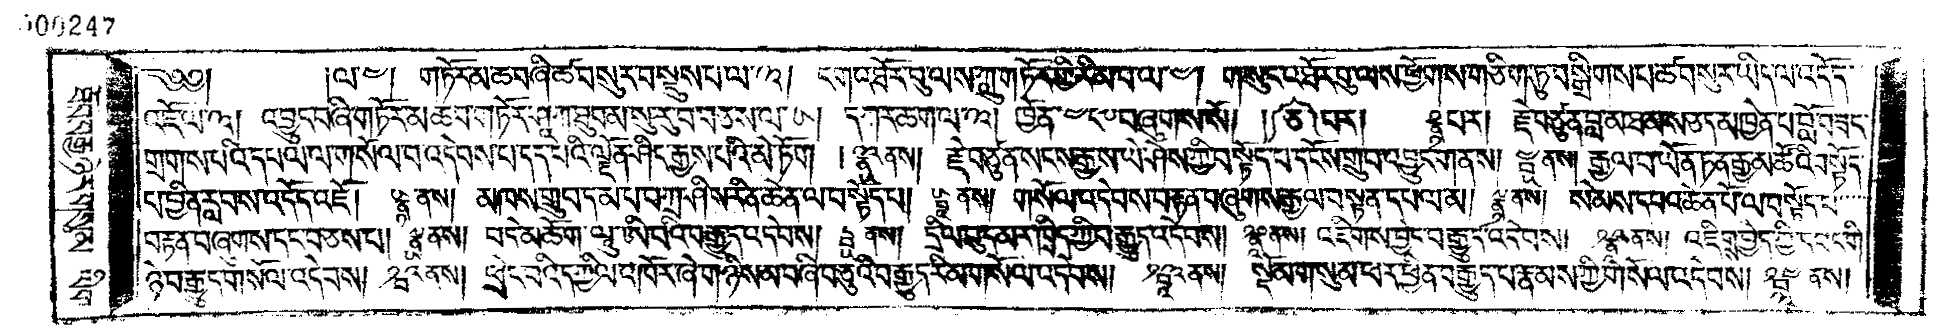༄༅། །ལ ༤། གཏོར་མ་ཆ་བཞི་ཚ་བསུར་བསྡུས་པ་ལ ༣། ངག་འཐོར་བུ་ལས་ཀླུ་གཏོར་གྱི་རིམ་པ་ལ ༤། གསུང་འཐོར་བུ་ལས་ཕྱོགས་གཅིག་ཏུ་བསྒྲིགས་པ་ཚ་བསུར་ཡིད་ལ་འདོད་
འཇོ་ལ ༣། འབྱུང་བཞི་གཏོར་མ་ཆབ་གཏོར་ཤཱ་ཀ་ཐུབ་མ་སུ་རུ་བ་བཅས་ལ ༦། དཀར་ཆག་ལ ༣། ཁྱོན ༤༨༦་བཞུགས་སོ། །༼ཅ༽ པར། ༡ན༡་པར། རྗེ་བཙུན་བླ་མ་ཐམས་ཅད་མཁྱེན་པ་བློ་བཟང་
གྲགས་པའི་དཔལ་ལ་གསོལ་བ་འདེབས་པ་དད་པའི་ལྗོན་ཤིང་རྒྱས་པའི་མེ་ཏོག །༣ན༥་ནས། རྗེ་བཙུན་སངས་རྒྱས་ཡེ་ཤེས་ཀྱི་བསྟོད་པ་དངོས་གྲུབ་འབྱུང་གནས། ༤བ༥་ནས། རྒྱལ་བ་ཡོན་ཏན་རྒྱ་མཚོའི་བསྟོད་
པ་བྱིན་རླབས་འདོད་འཇོ། ༦ན༡་ནས། མཁས་གྲུབ་དམ་པ་བཀྲ་ཤིས་རིན་ཆེན་ལ་བསྟོད་པ། ༦བ༢་ནས། གསོལ་འདེབས་བརྟན་བཞུགས་རྒྱལ་བསྟན་དཔལ་མ། ༦ན༡་ནས། སེམས་དཔའ་ཆེན་པོ་ལ་བསྟོད་པ་
བརྟན་བཞུགས་དང་བཅས་པ། ༦ན༥་ནས། བདེ་མཆོག་ལཱུ་ཨི་བའི་བརྒྱུད་འདེབས། ༨བ༥་ནས། དྲིལ་བུ་དམར་ཁྲིད་ཀྱི་བརྒྱུད་འདེབས། ༡༠ན༢་ནས། འཇིགས་བྱེད་བརྒྱུད་འདེབས། ༡༢ན༢་ནས། འཇིགས་བྱེད་ཀྱི་དབང་གི་
ཉེ་བརྒྱུད་གསོལ་འདེབས། ༡༢བ་ནས། ཕྲེང་བའི་དཀྱིལ་འཁོར་ཞེ་གཉིས་མ་བཞི་བཅུའི་བརྒྱུད་རིམ་གསོལ་འདེབས། ༡༣བ༢་ནས། སྡོམ་གསུམ་ཕར་ཕྱིན་བརྒྱུད་པ་རྣམས་ཀྱི་གསོལ་འདེབས། ༡༤བ༣་ནས།